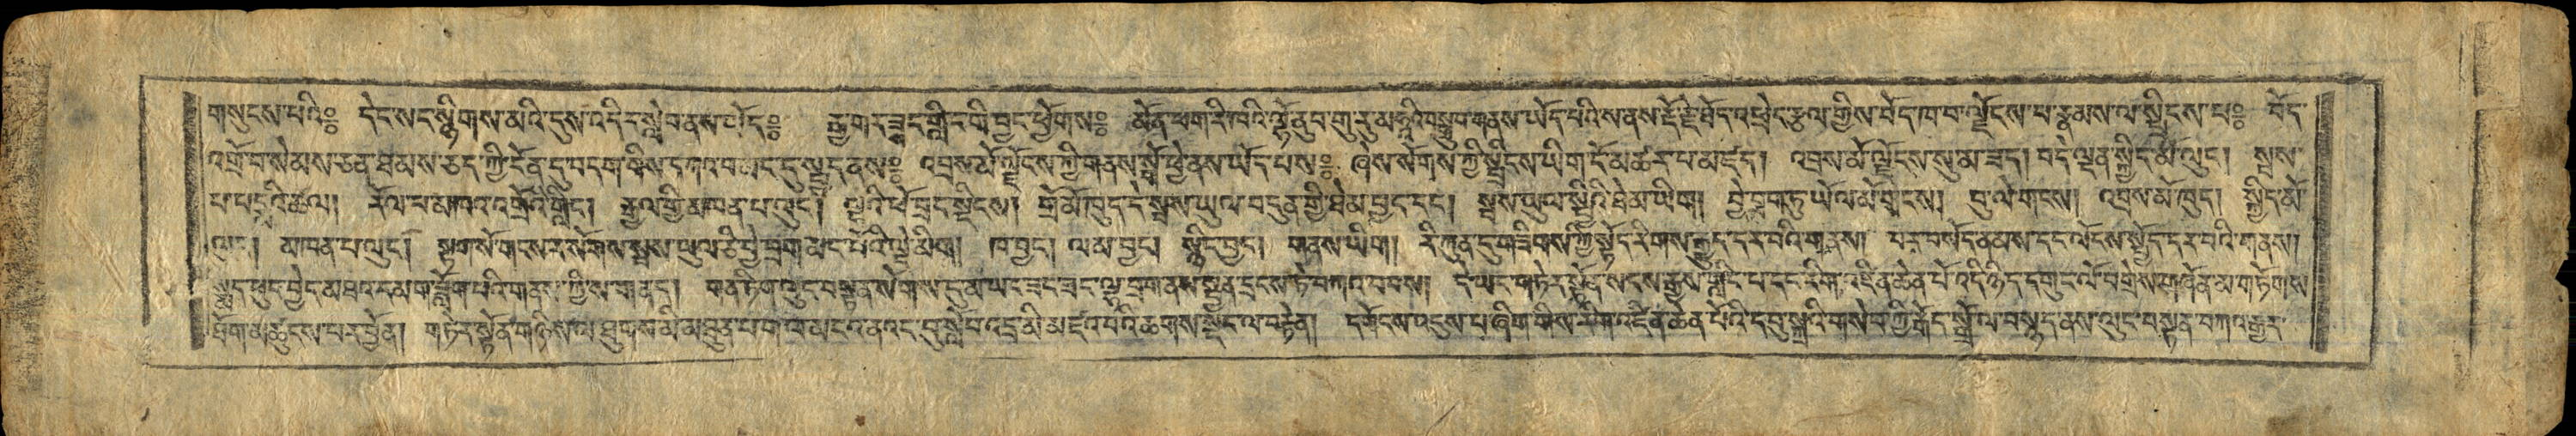གསུངས་པའིཿ་དེང་སང་སྙིགས་མའི་དུས་འདིར་སླེབ་ནས་ཡོདཿ་རྒྱ་གར་ཟླང་གླིང་གི་བྱང་ཕྱོགསཿ་མོན་ཕག་རི་ཁའི་ལྷོ་ནུབ་གུ་རུ་མཧཱའི་བསྒྲུབ་གནས་ཡོད་པའི་ས་ནས་རྡོ་རྗེ་ཐོད་འཕྲེང་རྩལ་གྱིས་བོད་ཁ་བ་ལྗོངས་པ་རྣམས་ལ་སྤྲིངས་པཿ་བོད་
འགོ་བ་སེམས་ཅན་ཐམས་ཅད་ཀྱི་དོན་དུ་བདག་གིས་དཀའ་བ་མང་དུ་སྤྱད་ནསཿ་འབྲས་མོ་ལྗོངས་ཀྱི་གནས་སྒོ་ཕྱེ་ནས་ཡོད་པསཿ་ཞེས་སོགས་ཀྱི་སྤྲིངས་ཡིག་ངོ་མཚར་པ་མཛད། འབྲས་མོ་ལྗོངས་སུ་མ་ཟད། བདེ་ལྡན་སྐྱིད་མོ་ལུང་། སྦས་
པ་པདམའི་ཚལ། རོལ་པ་མཁའ་འགྲོའི་གླིང་། རྒྱལ་གྱི་མཁན་པ་ལུང་། ལྷའི་ཕོ་བྲང་སྡིངས། གྲོ་མོ་ཁུད་དེ་སྦས་ཡུལ་བདུན་གྱི་ཐེམ་བྱད་དང་། སྦས་ཡུལ་སྤྱིའི་ཐེམ་ཡིག། བྱེ་བྲག་ཏུ་ཡོལ་མོ་གངས། བུ་ལེ་གངས། འབྲས་མོ་ཁུད། སྐྱིད་མོ་
ལུང་། མཁན་པ་ལུང་། སྟག་སོ་གངས་ར་སོགས་སྦས་ཡུལ་ཅི་བྱེ་བྲག་མང་པོའི་ལྡེ་མིག། ཁ་བྱང་། ལམ་བྱང་། སྙིང་བྱང་། གནས་ཡིག། རི་ཀུན་དུ་གཟིགས་ཀྱི་སྟོད་རིགས་རྒྱུད་དར་བའི་གནས། བར་བསོད་ནམས་དང་ལོངས་སྤྱོད་དར་བའི་གནས།
སྨད་ཕུང་བྱེད་མཐའ་དམག་ཟློག་པའི་གནས་ཀྱི་ས་གནད། གན་ཏིག་ལུང་བསྟན་སོགས་དུ་མ་ཡང་ཟང་ཟང་ལྷ་བྲག་ནས་སྤྱན་དྲངས་ཏེ་བཀའ་བབས། དེ་ཡང་གཏེར་སྟོན་སངས་རྒྱས་གླིང་བ་དང་རིག་འཛིན་ཆེན་པོ་འདི་ཉིད་དགུང་ལོ་བགྲེས་གཞོན་མ་གཏོགས་
ཐོག་མཚུངས་པར་བྱོན། གཏེར་སྟོན་གཉིས་ལ་ཐུགས་མི་མཐུན་པ་ག་ལ་མངའ་ནའང་བུ་སློབ་འདྲ་མི་མཛའ་བའི་ཆགས་སྡོང་ལ་བརྟེན། དགོངས་འདུས་པ་ཞིག་གིས་རིག་འཛིན་ཆེན་པོའི་དབུ་སྐའི་གསེབ་ཀྱི་རྒོད་སྒོ་ལ་བསྙད་ནས་ལུང་བསྟན་བཀའ་རྒྱར་